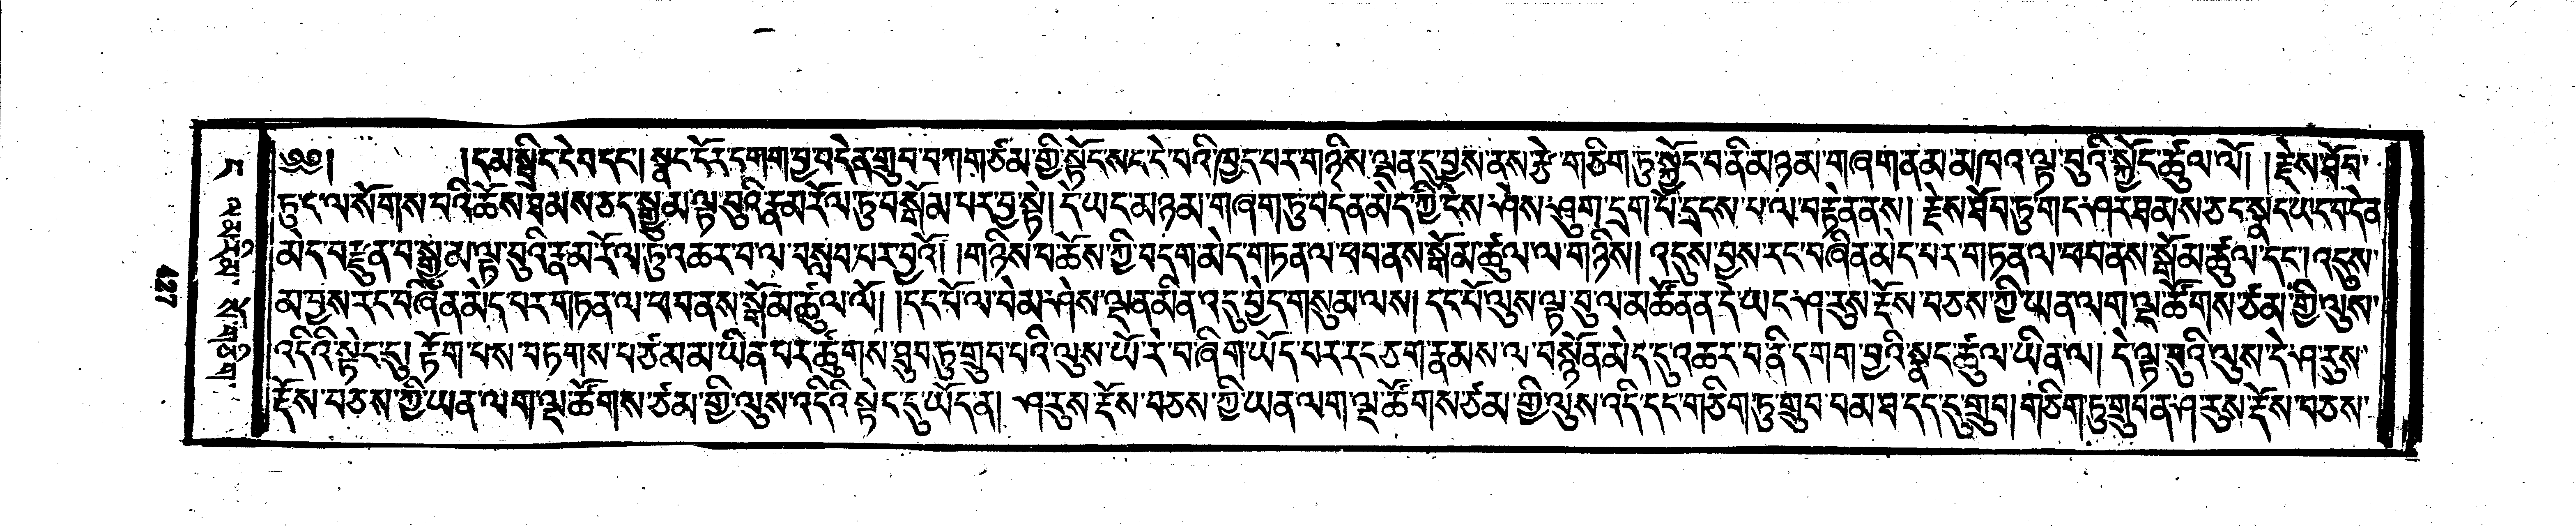༄༅། །དམ་སྦྲིང་ངེ་བ་དང་། སྣང་ངོར་དགག་བྱ་བདེན་གྲུབ་བཀག་ཙམ་གྱི་སྟོང་སང་ངེ་བའི་ཁྱད་པར་གཉིས་ལྡན་དུ་བྱས་ནས་རྩེ་གཅིག་ཏུ་སྐྱོབ་པ་ནི་མཉམ་གཞག་ནམ་མཁའ་ལྟ་བུའི་སྐྱོང་ཚུལ་ལོ། །རྗེས་ཐོབ་
ཏུ་ང་ལ་སོགས་པའི་ཆོས་ཐམས་ཅད་སྒྱུ་མ་ལྟ་བུའི་རྣམ་རོལ་ཏུ་བསྒོམ་པར་བྱ་སྟེ། དེ་ཡང་མཉམ་གཞག་ཏུ་བདེན་མེད་ཀྱི་ངེས་ཤེས་ཤུག་དྲག་པོ་དྲངས་པ་ལ་བརྟེན་ནས། རྗེས་ཐོབ་ཏུ་གང་ཤར་ཐམས་ཅད་སྣང་ཡང་བདེན་
མེད་བརྫུན་པ་སྒྱུ་མ་ལྟ་བུའི་རྣམ་རོལ་ཏུ་འཆར་བ་ལ་བསླབ་པར་བྱའོ། །གཉིས་པ་ཆོས་ཀྱི་བདག་མེད་གཏན་ལ་ཕབ་ནས་སྒོམ་ཚུལ་ལ་གཉིས། འདུས་བྱས་རང་བཞིན་མེད་པར་གཏན་ལ་ཕབ་ནས་སྒོམ་ཚུལ་དང་། འདུས་
མ་བྱས་རང་བཞིན་མེད་པར་གཏན་ལ་ཕབ་ནས་སྒོམ་ཚུལ་ལོ། །དང་པོ་ལ་བེམ་ཤེས་ལྡན་མིན་འདུ་བྱེད་གསུམ་ལས། དང་པོ་ལུས་ལྟ་བུ་ལ་མཚོན་ན་དེ་ཡང་ཤ་རུས་རྔོས་བཅས་ཀྱི་ཡན་ལག་ལྔ་ཚོགས་ཙམ་གྱི་ལུས་
འདིའི་སྟེང་དུ། རྟོག་པས་བཏགས་པ་ཙམ་མ་ཡིན་པར་ཚུགས་ཐུབ་ཏུ་གྲུབ་པའི་ལུས་ཡོ་རེ་བ་ཞིག་ཡོད་པར་རང་ཅག་རྣམས་ལ་བསྙོན་མེད་དུ་འཆར་བ་ནི་དགག་བྱའི་སྣང་ཚུལ་ཡིན་ལ། དེ་ལྟ་བུའི་ལུས་དེ་ཤ་རུས་
རྡོས་བཅས་ཀྱི་ཡན་ལག་ལྔ་ཚོགས་ཙམ་གྱི་ལུས་འདིའི་སྟེང་དུ་ཡོད་ན། ཤ་རུས་རྡོས་བཅས་ཀྱི་ཡན་ལག་ལྔ་ཚོགས་ཙམ་གྱི་ལུས་འདི་དང་གཅིག་ཏུ་གྲུབ་བམ་ཐ་དད་དུ་གྲུབ། གཅིག་ཏུ་གྲུབ་ན་ཤ་རུས་རྡོས་བཅ་